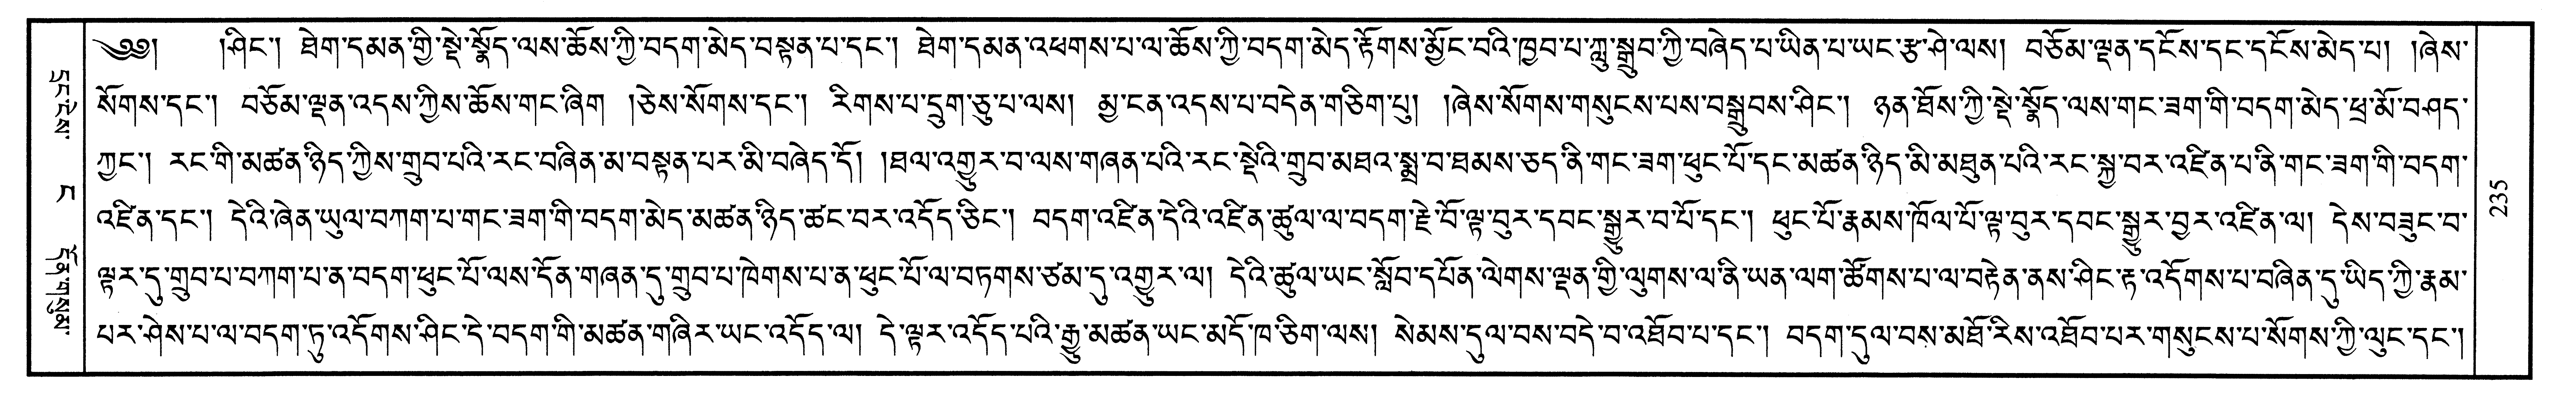༄༅། །ཤིང་། ཐེག་དམན་གྱི་སྡེ་སྣོད་ལས་ཆོས་ཀྱི་བདག་མེད་བསྟན་པ་དང་། ཐེག་དམན་འཕགས་པ་ལ་ཆོས་ཀྱི་བདག་མེད་རྟོགས་མྱོང་བའི་ཁྱབ་པ་ཀླུ་སྒྲུབ་ཀྱི་བཞེད་པ་ཡིན་པ་ཡང་རྩ་ཤེ་ལས། བཅོམ་ལྡན་དངོས་དང་དངོས་མེད་པ། །ཞེས་
སོགས་དང་། བཅོམ་ལྡན་འདས་ཀྱིས་ཆོས་གང་ཞིག །ཅེས་སོགས་དང་། རིགས་པ་དྲུག་ཅུ་པ་ལས། མྱ་ངན་འདས་པ་བདེན་གཅིག་པུ། །ཞེས་སོགས་གསུངས་པས་བསྒྲུབས་ཤིང་། ཉན་ཐོས་ཀྱི་སྡེ་སྣོད་ལས་གང་ཟག་གི་བདག་མེད་ཕྲ་མོ་བཤད་
ཀྱང་། རང་གི་མཚན་ཉིད་ཀྱིས་གྲུབ་པའི་རང་བཞིན་མ་བསྟན་པར་མི་བཞེད་དོ། །ཐལ་འགྱུར་བ་ལས་གཞན་པའི་རང་སྡེའི་གྲུབ་མཐའ་སྨྲ་བ་ཐམས་ཅད་ནི་གང་ཟག་ཕུང་པོ་དང་མཚན་ཉིད་མི་མཐུན་པའི་རང་སྐྱ་བར་འཛིན་པ་ནི་གང་ཟག་གི་བདག་
འཛིན་དང་། དེའི་ཞེན་ཡུལ་བཀག་པ་གང་ཟག་གི་བདག་མེད་མཚན་ཉིད་ཚང་བར་འདོད་ཅིང་། བདག་འཛིན་དེའི་འཛིན་ཚུལ་ལ་བདག་རྗེ་བོ་ལྟ་བུར་དབང་སྒྱུར་བ་པོ་དང་། ཕུང་པོ་རྣམས་ཁོལ་པོ་ལྟ་བུར་དབང་སྒྱུར་བྱར་འཛིན་ལ། དེས་བཟུང་བ་
ལྟར་དུ་གྲུབ་པ་བཀག་པ་ན་བདག་ཕུང་པོ་ལས་དོན་གཞན་དུ་གྲུབ་པ་ཁེགས་པ་ན་ཕུང་པོ་ལ་བཏགས་ཙམ་དུ་འགྱུར་ལ། དེའི་ཚུལ་ཡང་སློབ་དཔོན་ལེགས་ལྡན་གྱི་ལུགས་ལ་ནི་ཡན་ལག་ཚོགས་པ་ལ་བརྟེན་ནས་ཤིང་རྟ་འདོགས་པ་བཞིན་དུ་ཡིད་ཀྱི་རྣམ་
པར་ཤེས་པ་ལ་བདག་ཏུ་འདོགས་ཤིང་དེ་བདག་གི་མཚན་གཞིར་ཡང་འདོད་ལ། དེ་ལྟར་འདོད་པའི་རྒྱུ་མཚན་ཡང་མདོ་ཁ་ཅིག་ལས། སེམས་དུལ་བས་བདེ་བ་འཐོབ་པ་དང་། བདག་དུལ་བས་མཐོ་རིས་འཐོབ་པར་གསུངས་པ་སོགས་ཀྱི་ལུང་དང་